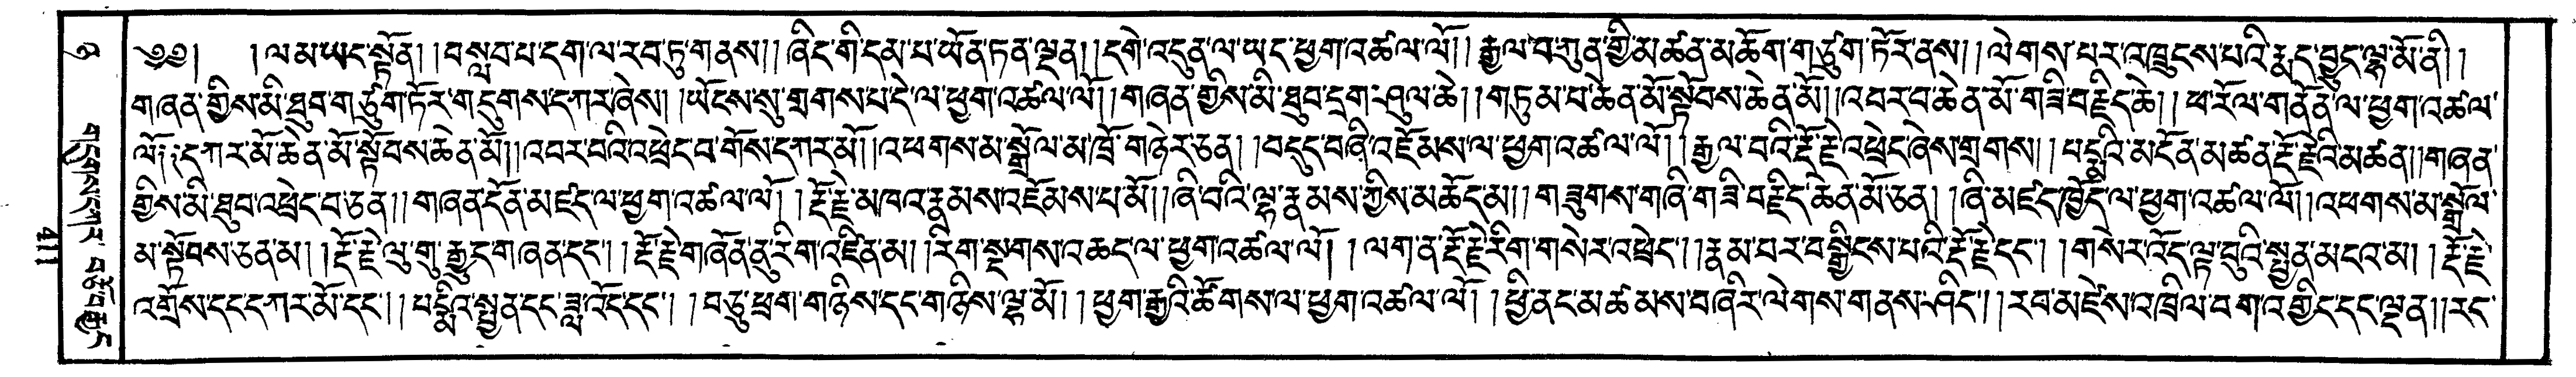༄༅། །ལམ་ཡང་སྟོན། །བསླབ་པ་དག་ལ་རབ་ཏུ་གནས། །ཞིང་གི་དམ་པ་ཡོན་ཏན་ལྡན། །དགེ་འདུན་ལ་ཡང་ཕྱག་འཚལ་ལོ། །རྒྱལ་བ་ཀུན་གྱི་མཚན་མཆོག་གཙུག་ཏོར་ནས། །ལེགས་པར་འཁྲུངས་པའི་རྨད་བྱུང་ལྷ་མོ་ནི། །
གཞན་གྱིས་མི་ཐུབ་གཙུག་ཏོར་གདུགས་དཀར་ཞེས། །ཡོངས་སུ་གྲགས་པ་དེ་ལ་ཕྱག་འཚལ་ལོ། །གཞན་གྱིས་མི་ཐུབ་དྲག་ཤུལ་ཆེ། །གཏུམ་པ་ཆེན་མོ་སྟོབས་ཆེན་མོ། །འབར་བ་ཆེན་མོ་གཟི་བརྗིད་ཆེ། །ཕ་རོལ་གནོན་ལ་ཕྱག་འཚལ་
ལོ༑ ༑དཀར་མོ་ཆེན་མོ་སྟོབས་ཆེན་མོ། །འབར་བའི་འཕྲེང་བ་གོས་དཀར་མོ། །འཕགས་མ་སྒྲོལ་མ་ཁྲོ་གཉེར་ཅན། །བདུད་བཞི་འཇོམས་ལ་ཕྱག་འཚལ་ལོ། །རྒྱལ་བའི་རྡོ་རྗེ་འཕྲེང་ཞེས་གྲགས། །པདམའི་མངོན་མཚན་རྡོ་རྗེའི་མཚན། །གཞན་
གྱིས་མི་ཐུབ་འཕྲེང་བ་ཅན། །གཞན་དོན་མཛད་ལ་ཕྱག་འཚལ་ལོ། །རྡོ་རྗེ་མཁའ་རྣམས་འཇོམས་པ་མོ། །ཞི་བའི་ལྷ་རྣམས་ཀྱིས་མཆོད་མ། །གཟུགས་གཞི་གཟི་བརྗིད་ཆེན་མོ་ཅན། །ཞི་མཛད་ཁྱོད་ལ་ཕྱག་འཚལ་ལོ། །འཕགས་མ་སྒྲོལ་
མ་སྟོབས་ཅན་མ། །རྡོ་རྗེ་ལུ་གུ་རྒྱུད་གཞན་དང་། །རྡོ་རྗེ་གཞོན་ནུ་རིག་འཛིན་མ། །རིག་སྔགས་འཆང་ལ་ཕྱག་འཚལ་ལོ། །ལག་ན་རྡོ་རྗེ་རིག་གསེར་འཕྲེང་། །རྣམ་པར་བསྒྱིངས་པའི་རྡོ་རྗེ་དང་། །གསེར་འོད་ལྟ་བུའི་སྤྱན་མངའ་མ། །རྡོ་རྗེ་
འགྲོས་དང་དཀར་མོ་དང་། །པདམའི་སྤྱན་དང་ཟླ་འོད་དང་། །བཅུ་ཕྲག་གཉིས་དང་གཉིས་ལྷ་མོ། །ཕྱག་རྒྱའི་ཚོགས་ལ་ཕྱག་འཚལ་ལོ། །ཕྱི་ནང་མཚམས་བཞིར་ལེགས་གནས་ཤིང་། །རབ་མཛེས་འཁྲིལ་བག་འགྱིང་དང་ལྡན། །རང་